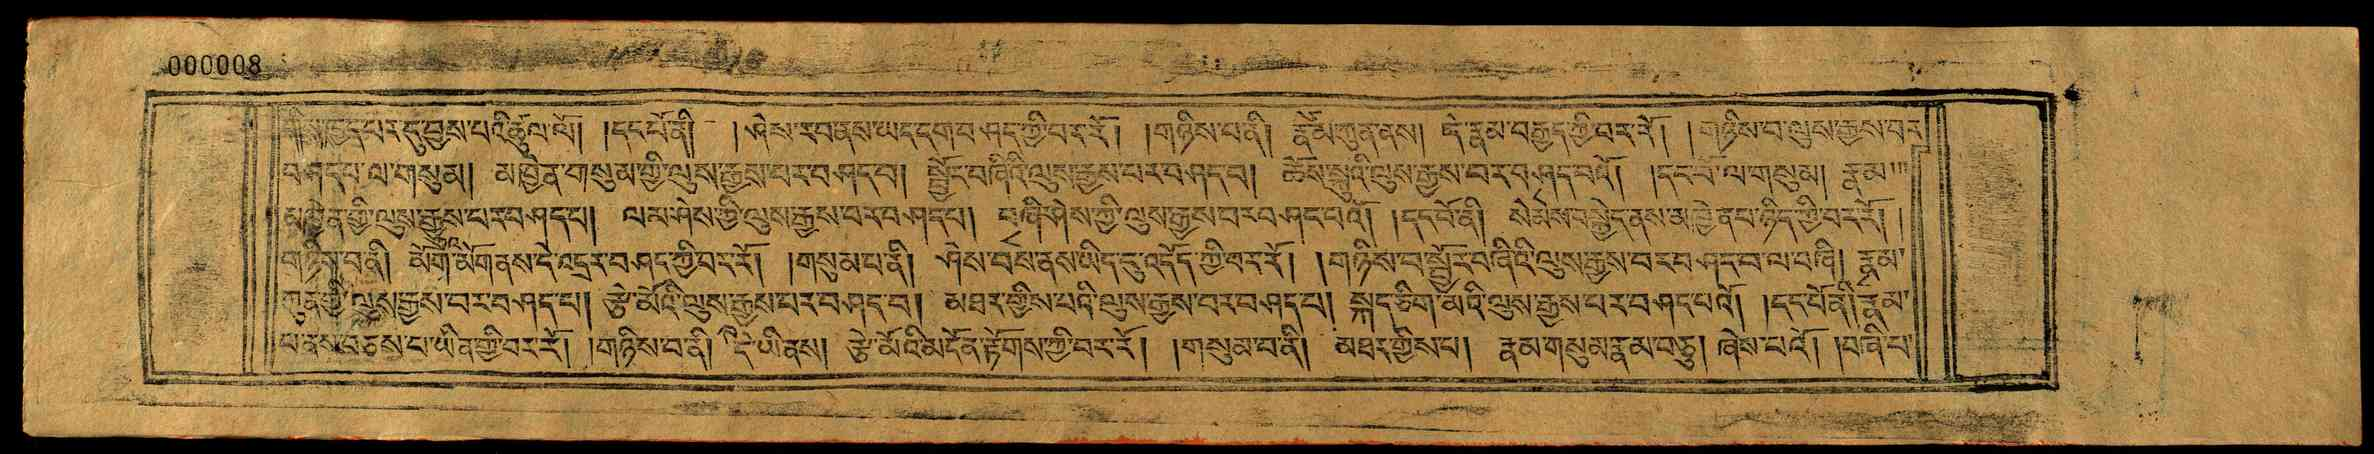གིས་ཁྱད་པར་དུ་བྱས་པའི་ཚུལ་ལོ། །དང་པོ་ནི། །ཤེས་རབ་ནས་ཡང་དག་བཤད་ཀྱི་བར་རོ། །གཉིས་པ་ནི། རྣམ་ཀུན་ནས། དེ་རྣམ་བརྒྱད་ཀྱི་བར་རོ། །གཉིས་པ་ལུས་རྒྱས་པར་
བཤད་པ་ལ་གསུམ། མཁྱེན་གསུམ་གྱི་ལུས་རྒྱས་པར་བཤད་པ། སྦྱོར་བཞིའི་ལུས་རྒྱས་པར་བཤད་པ། ཆོས་སྐུའི་ལུས་རྒྱས་པར་བཤད་པའོ། །དང་པོ་ལ་གསུམ། རྣམ་
མཁྱེན་གྱི་ལུས་རྒྱས་པར་བཤད་པ། ལམ་ཤེས་ཀྱི་ལུས་རྒྱས་པར་བཤད་པ། གཞི་ཤེས་ཀྱི་ལུས་རྒྱས་པར་བཤད་པའོ། །དང་པོ་ནི། སེམས་བསྐྱེད་ནས་མཁྱེན་པ་ཉིད་ཀྱི་བར་རོ། །
གཉིས་པ་ནི། མོག་མོག་ནས་དེ་འདྲར་བཤད་ཀྱི་བར་རོ། །གསུམ་པ་ནི། ཤོས་པས་ནས་ཡིད་དུ་འདོད་ཀྱི་བར་རོ། །གཉིས་པ་སྦྱོར་བཞིའི་ལུས་རྒྱས་པར་བཤད་པ་ལ་བཞི། རྣམ་
ཀུན་གྱི་ལུས་རྒྱས་པར་བཤད་པ། རྩེ་མོའི་ལུས་རྒྱས་པར་བཤད་པ། མཐར་གྱི་པའི་ལུས་རྒྱས་པར་བཤད་པ། སྐད་ཅིག་མའི་ལུས་རྒྱས་པར་བཤད་པའོ། །དང་པོ་ནི། རྣམ་
པ་ནས་བཅས་པ་ཡིན་གྱི་བར་རོ། །གཉིས་པ་ནི། དེ་ཡི་ནས། རྩེ་མོའི་མངོན་རྟོགས་ཀྱི་བར་རོ། །གསུམ་པ་ནི། མཐར་གྱིས་པ། རྣམ་གསུམ་རྣམ་བཅུ། ཞེས་པའོ། །བཞི་པ་